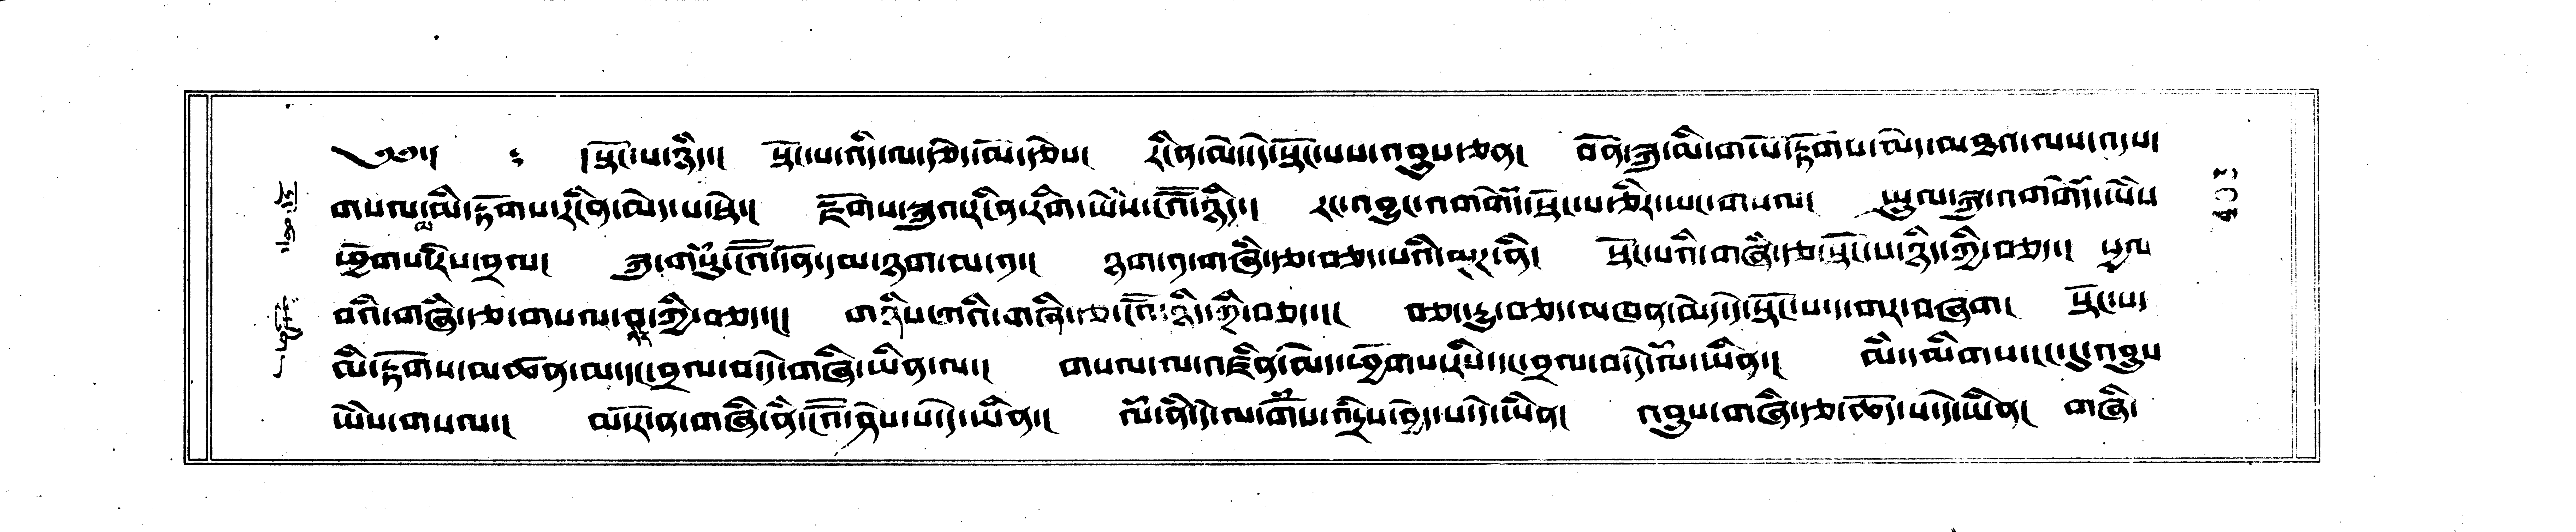སྟོང་པ་ཉིད། སྟོང་པ་འདི་ལ་རྩེད་མོ་རྩེས། རང་བཞིན་མེད་དེ་སྟོང་པའི་འབྲས་བུ་ཅན། བོན་སྐུ་མི་གཡོ་རྟོག་མེད་མཐའ་ལས་འདས། 
གསལ་ལ་མི་རྟོག་རང་བཞིན་མེད་པ་སྟེ། རྫོགས་སྐུའི་རང་རིག་ཡེ་ཤེས་ངོའོ་ཉིད། རང་འབྱུང་གྷག་(འགག)མེད་སྟོང་པ་ཅིར་ཡང་གསལ། སྤྲུལ་སྐུ་གྷག་(འགག)མེད་ཡེ་ཤེས་
ཕྱོགས་རིས་བྲལ། སྐུ་གསུམ་གྱིས་ངོའོ་དོན་དམ་ཉག་མ་ཅིག ཉག་ཅིག་གཞི་རྩ་བཅད་པའི་མེན་ངག་ནི། སྟོང་པའི་གཞི་རྩ་སྟོང་པ་ཉིད་ཀྱིས་བཅད། གསལ་
བའི་གཞི་རྩ་ཡེ་ཤེས་ཉིད་ཀྱིས་བཅད། གཉིས་ཀའི་གཞི་རྩ་ངོའོ་ཅིག་གིས་བཅད། བཅད་རྒྱུ་དང་བཅད་མཁན་མེད་དེ་སྟོང་པར་ཀད་དེ་བཞག སྟོང་ལ་
མི་རྟོག་མཚན་མ་དང་བྲལ་བ་དེ་གཞི་ཡིན་ལ། གསལ་ལ་འཛིན་མེད་ཕྱོགས་རིས་བྲལ་བ་དེ་ལམ་ཡིན། མི་དམིགས་ངང་དུ་འབྲས་བུ་
ཡེ་ཤེས་གསལ། མདོར་ན་གཞི་ནི་ངོའོ་ཤེས་པ་དེ་ཡིན་ལ། ལམ་ནི་དེ་ལ་གོམ་འདྲིས་བྱེད་པ་དེ་ཀ་ཡིན། འབྲས་བུ་ནི་གཞི་རྩ་ཆོད་པ་དེ་ཀ་ཡིན། གཞི་